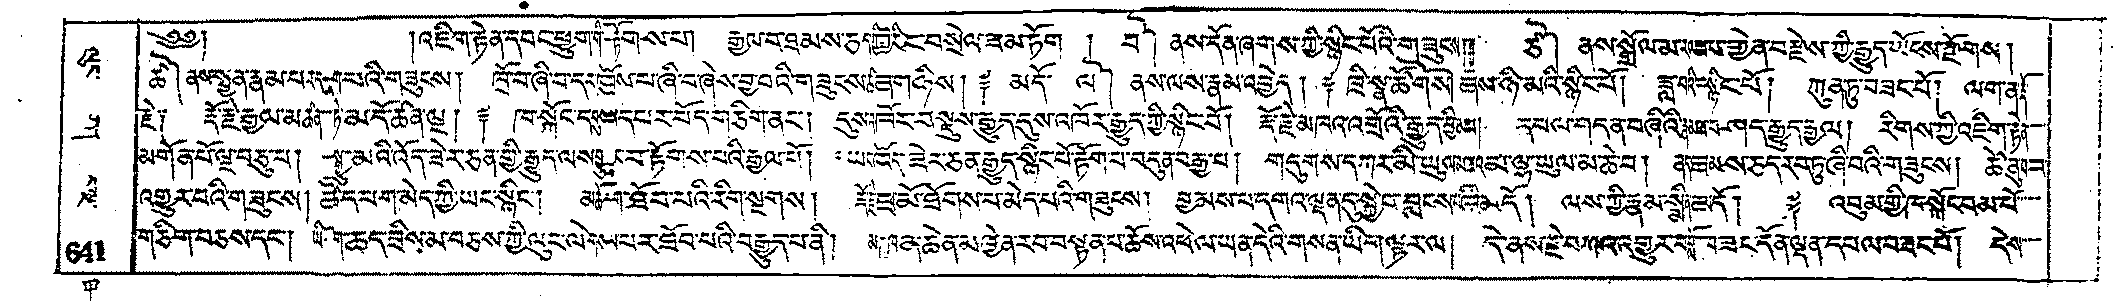༄༅། །འཇིག་རྟེན་དབང་ཕྱུག་གི་རྟོགས་པ། རྒྱལ་བ་ཐམས་ཅད་ཀྱི་རིང་བསྲེལ་ཟ་མ་ཏོག །བ}་ནས་དོན་ཞགས་ཀྱི་སྙིང་པོའི་གཟུངས། ཙ}་ནས་སྒྲོལ་མ་རལ་པ་གྱེན་བརྫེས་ཀྱི་རྒྱུད་ཡོངས་རྫོགས།
ཚ}་ནས་སྤྱན་རྣམ་དག་པའི་གཟུངས། ཁྲོ་བ་ཞི་བ་དང་། ཁྲོས་པ་ཞི་བ་ཞེས་བྱ་བའི་གཟུངས་ཚན་གཉིས། ༈ མདོ་ལ}་ནས་ལས་རྣམ་འབྱེད། ༈ ཁྲི་སྣ་ཚོགས། ནས་ཉི་མའི་སྙིང་པོ། ཟླ་བའི་སྙིང་པོ། ཀུན་ཏུ་བཟང་པོ། ལག་ན་རྡོ་
རྗེ༑ རྡོ་རྗེ་རྒྱལ་མཚན་ཏེ་མདོ་ཚན་ལྔ། ༈ ཁ་སྐོང་དབུས་དཔར་པོད་གཅིག་ནང་། དུས་ཁོར་བསྡུས་རྒྱུད་དུས་འཁོར་རྒྱུད་ཀྱི་སྙིང་པོ། རྡོ་རྗེ་མཁའ་འགྲོའི་རྒྱུད་ཕྱི་མ། དཔལ་གདན་བཞིའི་རྣམ་བཤད་རྒྱུད་རྒྱལ། རིགས་ཀྱི་འཇིག་རྟེན་
མགོན་པོ་ལྔ་བཅུ་པ། སྒྱུ་མའི་འོད་ཟེར་ཅན་གྱི་རྒྱུད་ལས་བྱུང་བ་རྟོགས་པའི་རྒྱལ་པོ། ༧་ཡང་འོད་ཟེར་ཅན་རྒྱུད་སྙིང་པོ་རྟོག་པ་བདུན་བརྒྱ་པ། གདུགས་དཀར་མི་ཡུལ་མའམ་ལྷ་ཡུལ་མ་ཆེ་བ་ནད་ཐམས་ཅད་རབ་ཏུ་ཞི་བའི་གཟུངས། ཚེ་ནུ་བར་
འགྱུར་བའི་གཟུངས། ཚེ་དཔག་མེད་ཀྱི་ཡང་སྙིང་། མཆོག་ཐོབ་པའི་རིག་སྔགས། རྡོ་རྗེ་ཕྲ་མོ་ཐོགས་པ་མེད་པའི་གཟུངས། བྱམས་པ་དགའ་ལྡན་དུ་སྐྱེ་བ་བླངས་པའི་མདོ། ལས་ཀྱི་རྣམ་སྨིན་མདོ། འ་འབུམ་གྱི་ཁ་སྐོང་བམ་པོ་
གཅིག་བཅས་དང་། ཡིག་ཆད་བྲིས་མ་བཅས་ཀྱི་ལུང་ལེགས་པར་ཐོབ་པའི་རྒྱུད་པ་ནི། མཁན་ཆེན་མཁྱེན་རབ་བསྟན་པ་ཆོས་འཕེལ་ཡན་དེའི་གསན་ཡིག་ལྟར་ལ། དེ་ནས་རྗེ་བཀའ་འགྱུར་བ་བློ་བཟང་དོན་ལྡན་དཔལ་བཟང་པོ། དེས་